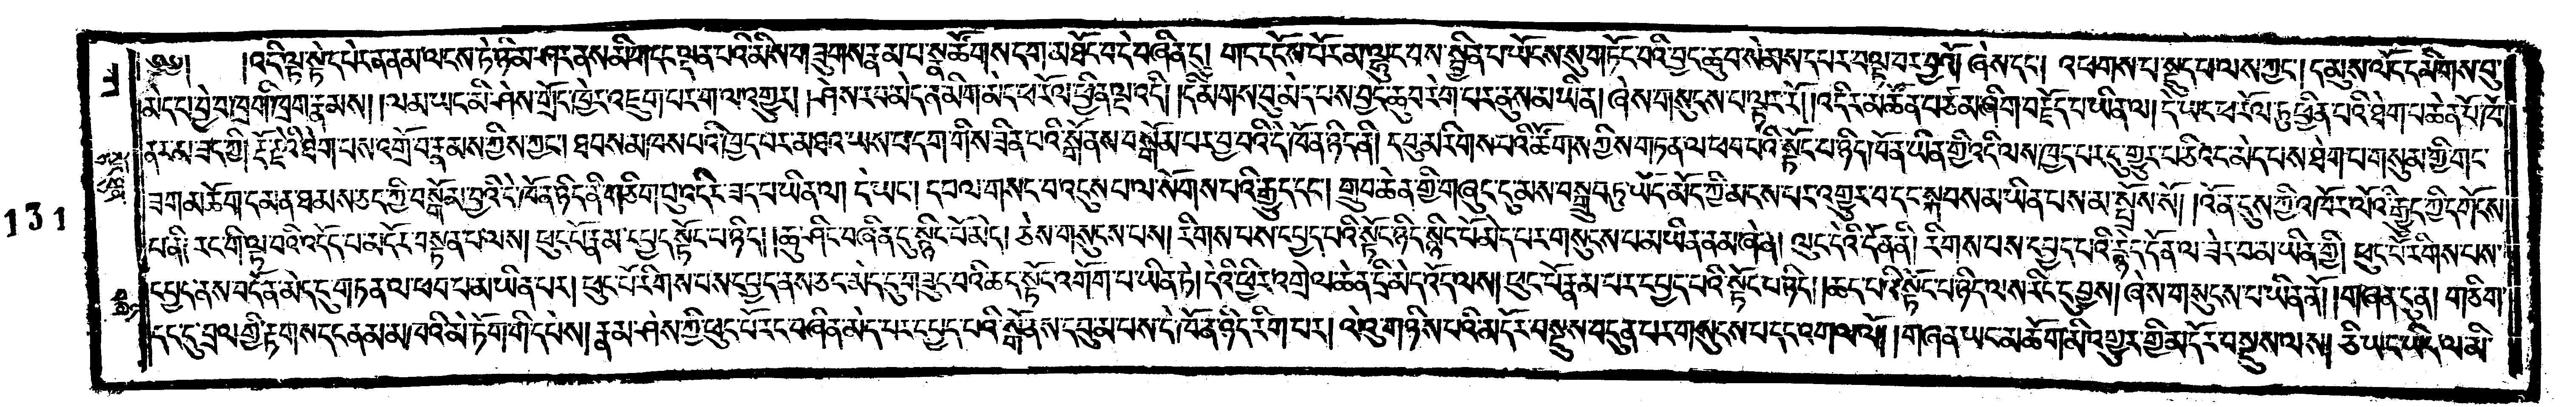༄༅། །འདི་ལྟ་སྟེ་དཔེར་ན་ནམ་ལངས་ཏེ་ཉི་མ་ཤར་ནས་མིག་དང་ལྡན་པའི་མིས་གཟུགས་རྣམ་པ་སྣ་ཚོགས་ངག་མཐོང་བ་དེ་བཞིན་དུ། གང་དངོས་པོར་མ་ལྷུང་བས་སྦྱིན་པ་ཡོངས་སུ་གཏོང་བའི་བྱང་ཆུབ་སེམས་དཔར་བལྟ་བར་བྱའོ། ཞེས་དང་། འཕགས་པ་སྡུད་པ་ལས་ཀྱང་། དམུས་ལོང་དམིགས་བུ་
མེད་པ་བྱེ་བ་ཁྲག་ཁྲིག་རྣམས། །ལམ་ཡང་མི་ཤེས་གྲོང་ཁྱེར་འཇུག་པར་ག་ལ་འགྱུར། །ཤེས་རབ་མེད་ན་མིག་མེད་ཕ་རོལ་ཕྱིན་ལྔ་འདི། །དམིགས་བུ་མེད་པས་བྱང་ཆུབ་རེག་པར་ནུས་མ་ཡིན། ཞེས་གསུངས་པ་ལྟར་རོ། །འདིར་མཚོན་པ་ཙམ་ཞིག་བརྗོད་པ་ཡིན་ལ། དེ་ཡང་ཕ་རོལ་ཏུ་ཕྱིན་པའི་ཐེག་པ་ཆེན་པོ་ཁོ་
ནར་མ་ཟད་ཀྱི། རྡོ་རྗེའི་ཐེག་པས་འགྲོ་བ་རྣམས་ཀྱིས་ཀྱང་། ཐབས་མཁས་པའི་ཁྱད་པར་མཐའ་ཡས་པ་དག་གིས་ཟིན་པའི་སྒོ་ནས་བསྒོམ་པར་བྱ་བའི་དེ་ཁོ་ན་ཉིད་ནི། དབུ་མ་རིགས་པའི་ཚོགས་ཀྱིས་གཏན་ལ་ཕབ་པའི་སྟོང་པ་ཉིད་ཁོ་ན་ཡིན་གྱི་འདི་ལས་ཁྱད་པར་དུ་གྱུར་པ་ཅིའང་མེད་པས་ཐེག་པ་གསུམ་གྱི་གང་
ཟག་མཆོག་དམན་ཐམས་ཅད་ཀྱི་བསྒོམ་བྱའི་དེ་ཁོ་ན་ཉིད་ནི་གཅིག་པུ་འདིར་ཟད་པ་ཡིན་ལ། དེ་ཡང་། དཔལ་གསང་བ་འདུས་པ་ལ་སོགས་པའི་རྒྱུད་དང་། གྲུབ་ཆེན་གྱི་གཞུང་དུ་མས་བསྒྲུབ་ཏུ་ཡོད་མོད་ཀྱི་མངས་པར་འགྱུར་བ་དང་སྐབས་མ་ཡིན་པས་མ་སྤྲོས་སོ། །འོ་ན་དུས་ཀྱི་འཁོར་ལོའི་རྒྱུད་ཀྱི་དགོངས་
པ་ནི༑ རང་གི་ལྟ་བའི་འདོད་པ་མདོར་བསྟན་པ་ལས། ཕུང་པོ་རྣམ་དཔྱད་སྟོང་པ་ཉིད། །ཆུ་ཤིང་བཞིན་དུ་སྙིང་པོ་མེད། ཅེས་གསུངས་པས། རིགས་པས་དཔྱད་པའི་སྟོང་ཉིད་སྙིང་པོ་མེད་པར་གསུངས་པ་མ་ཡིན་ནམ་ཞེ་ན། ལུང་དེའི་དོན་ནི། རིགས་པས་དཔྱད་པའི་རྙེད་དོན་ལ་ཟེར་བ་མ་ཡིན་གྱི། ཕུང་པོ་རིགས་པས་
དཔྱད་ནས་བདེན་མེད་དུ་གཏན་ལ་ཕབ་པ་མ་ཡིན་པར། ཕུང་པོ་རིགས་པས་དཔྱད་ནས་ཅད་མེད་དུ་གཟུང་བའི་ཆད་སྟོང་འགོག་པ་ཡིན་ཏེ། དེའི་ཕྱིར་འགྲལ་ཆེན་དྲི་མེད་འོད་ལས། ཕུང་པོ་རྣམ་པར་དཔྱད་པའི་སྟོང་པ་ཉིད། །ཆད་པའི་སྟོང་པ་ཉིད་ལས་རིང་དུ་བྱས། ཞེས་གསུངས་པ་ཡིན་ནོ། །གཞན་དུ་ན། གཅིག་
དང་དུ་བྲལ་གྱི་རྟགས་དང་ནམ་མཁའི་མེ་ཏོག་གི་དཔས། རྣམ་ཤེས་ཀྱི་ཕུང་པོ་རང་བཞིན་མེད་པར་དཔྱད་པའི་སྒོ་ནས་དབུམ་པས་དེ་ཁོ་ན་ཉིད་རིག་པར། ལེའུ་གཉིས་པའི་མདོར་བསྡུས་བདུན་པར་གསུངས་པ་དང་འགལ་ལོ། །གཞན་ཡང་མཆོག་མི་འགྱུར་གྱི་མདོར་བསྡུས་ལས། ཅི་ཡང་ཡིད་ལ་མི་